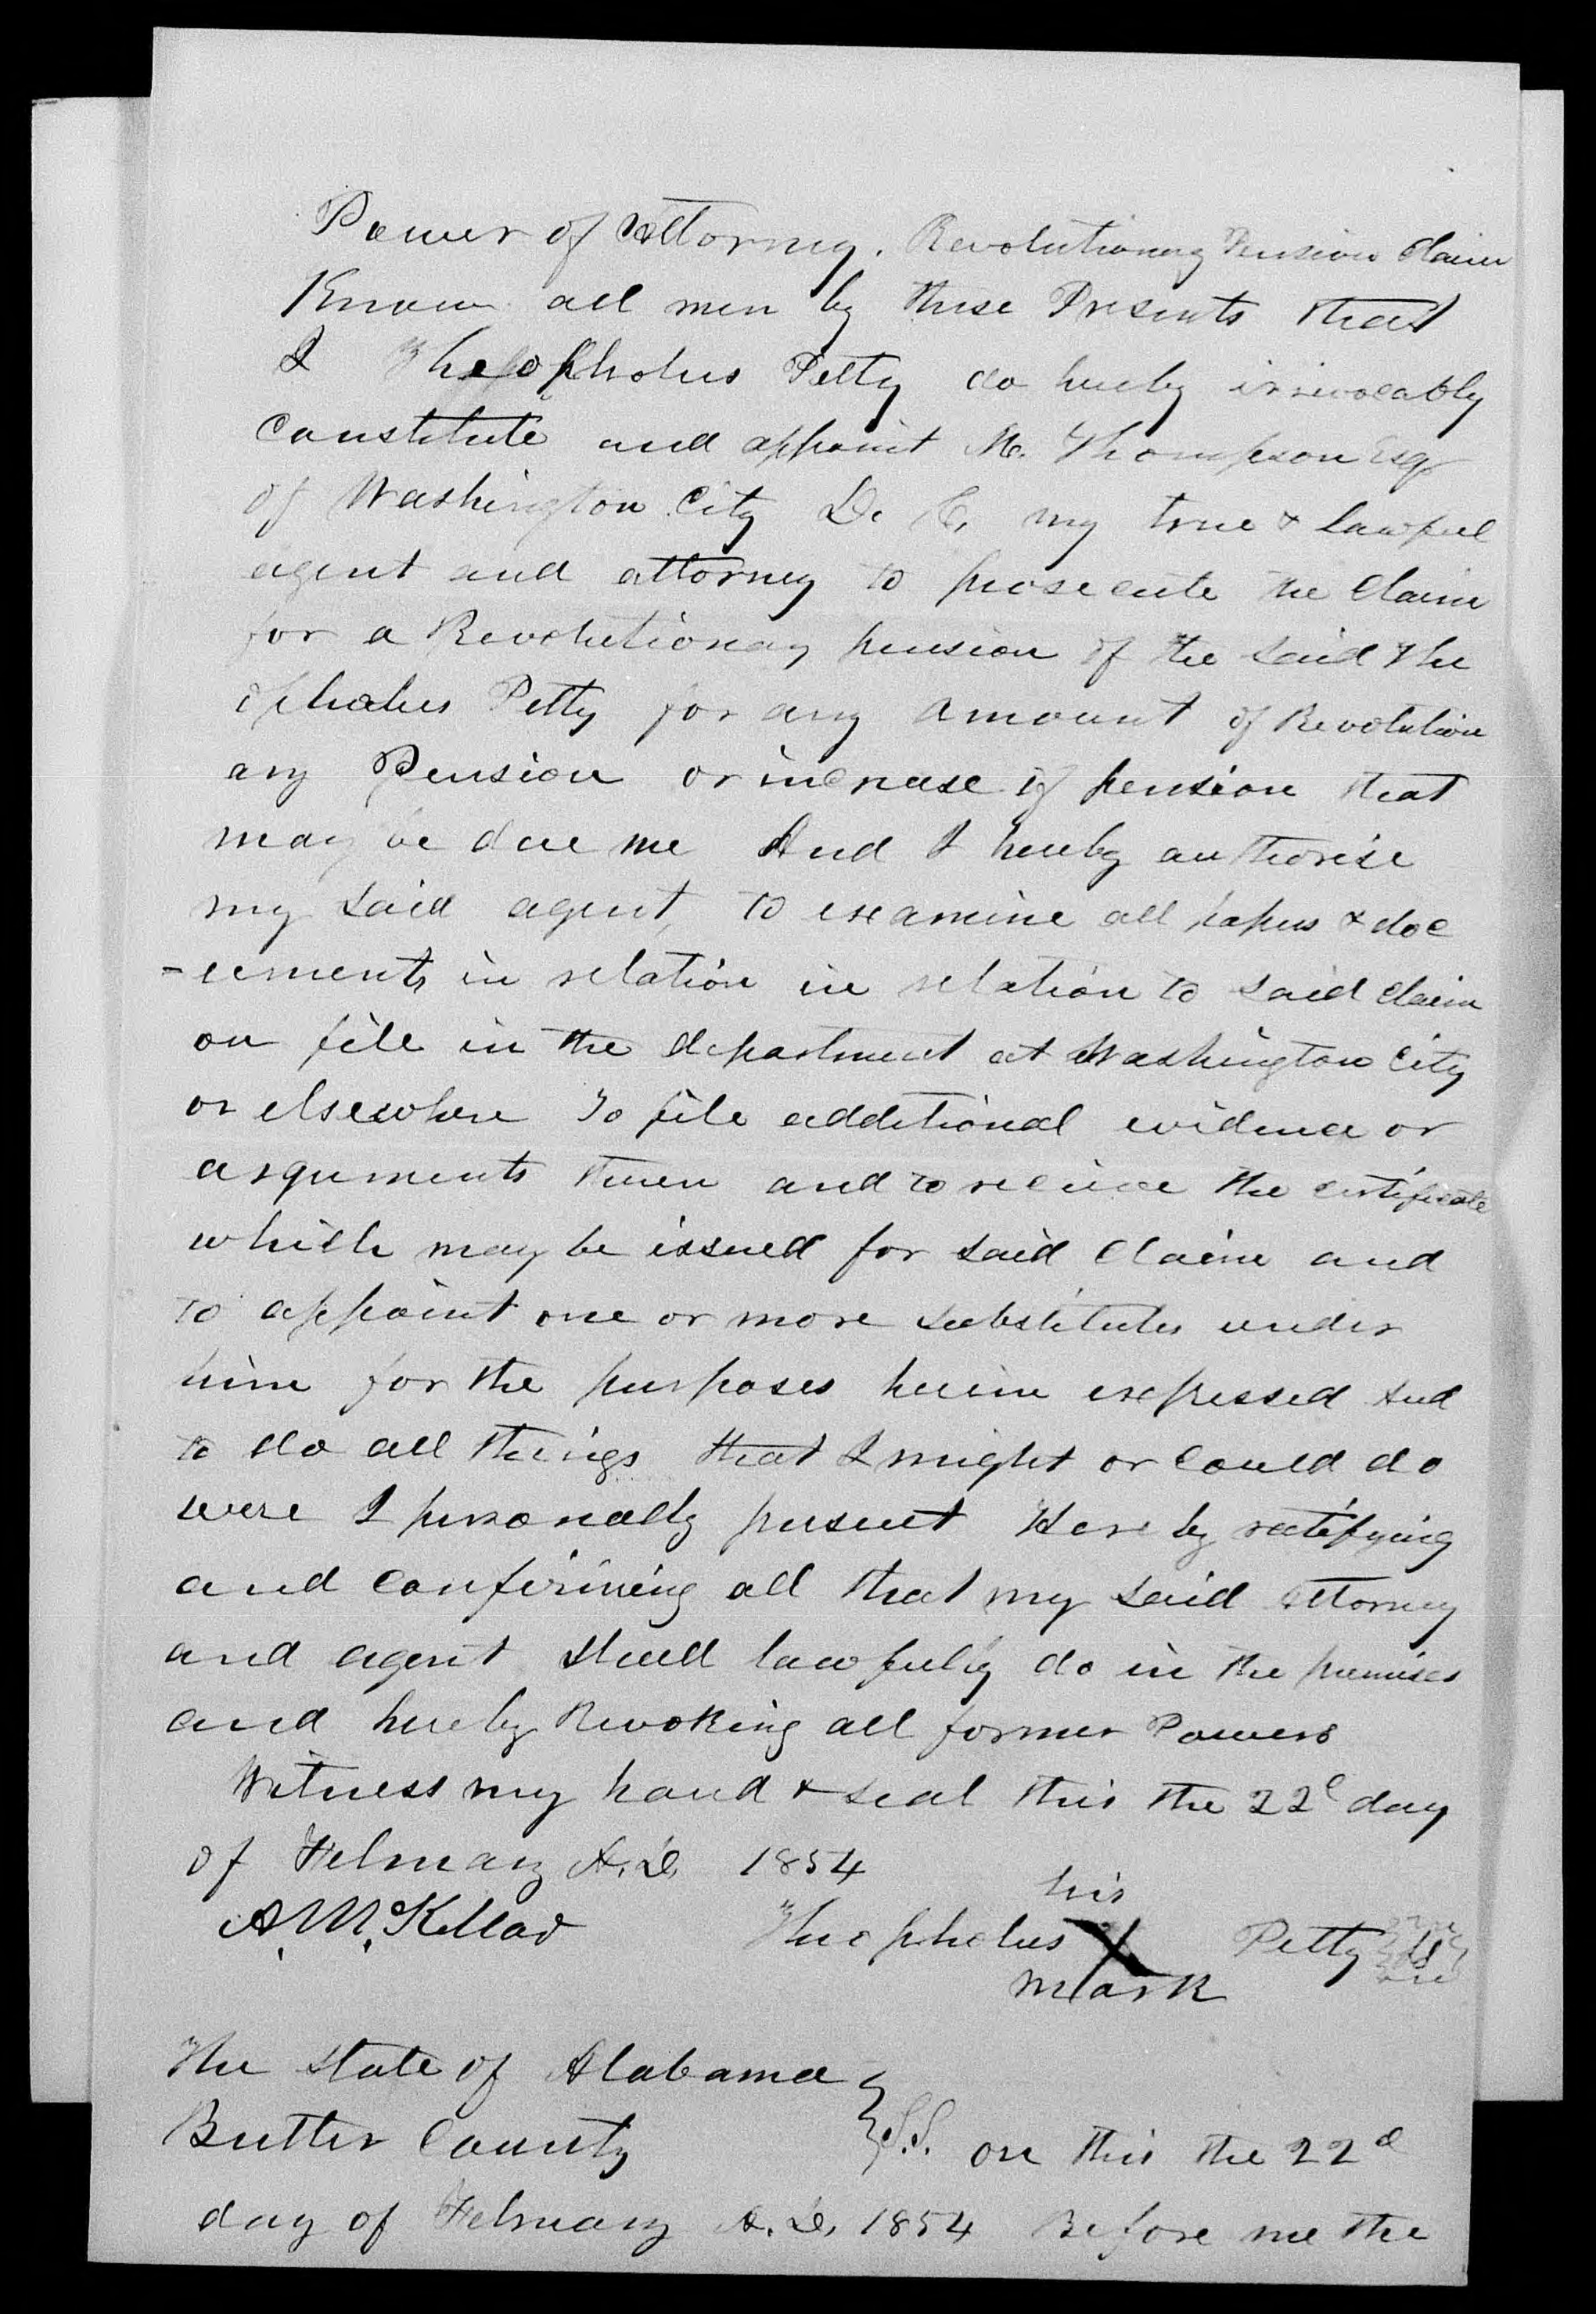Power of attorney Revolutionary Pension claim know all men by these presents that I Theopholus Petty do hereby irrocably constitute and appoint Mr Thompson Esq of Washington City DC my true & lawful agent and attorney to prosecute the claim for a Revolutionary pension of the said Theopholus Petty for any amount of Revolutionary Pension or increase of pension that may be due me And I hereby authorise my said agent to examine all papers & documents in relation in relation to said claim on file in the department at Washington City or elsewhere to file additional evidence or asgnments herein and to receive the certificate which may be issued for said claim and to appoint one or more substitutes under him for the purposes herein expressed and to do all things that I might or could do were I personally present Hereby rectifying and confirming all that my said attorney and agent should lawfully do in the premises and hereby revoking all former powers 
Witness my hand & seal this 22d day of February AD 1854
AM Kellar Theopholus Petty SS
his X mark

The state of Alabama
Butler county} SS
on this the 22d day of February AD 1854 Before me the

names: M Thompson; Theopholus Petty; A Mc Kellar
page: 24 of 26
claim: rejected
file: R. 8,161, for Theophilus Petty, South Carolina